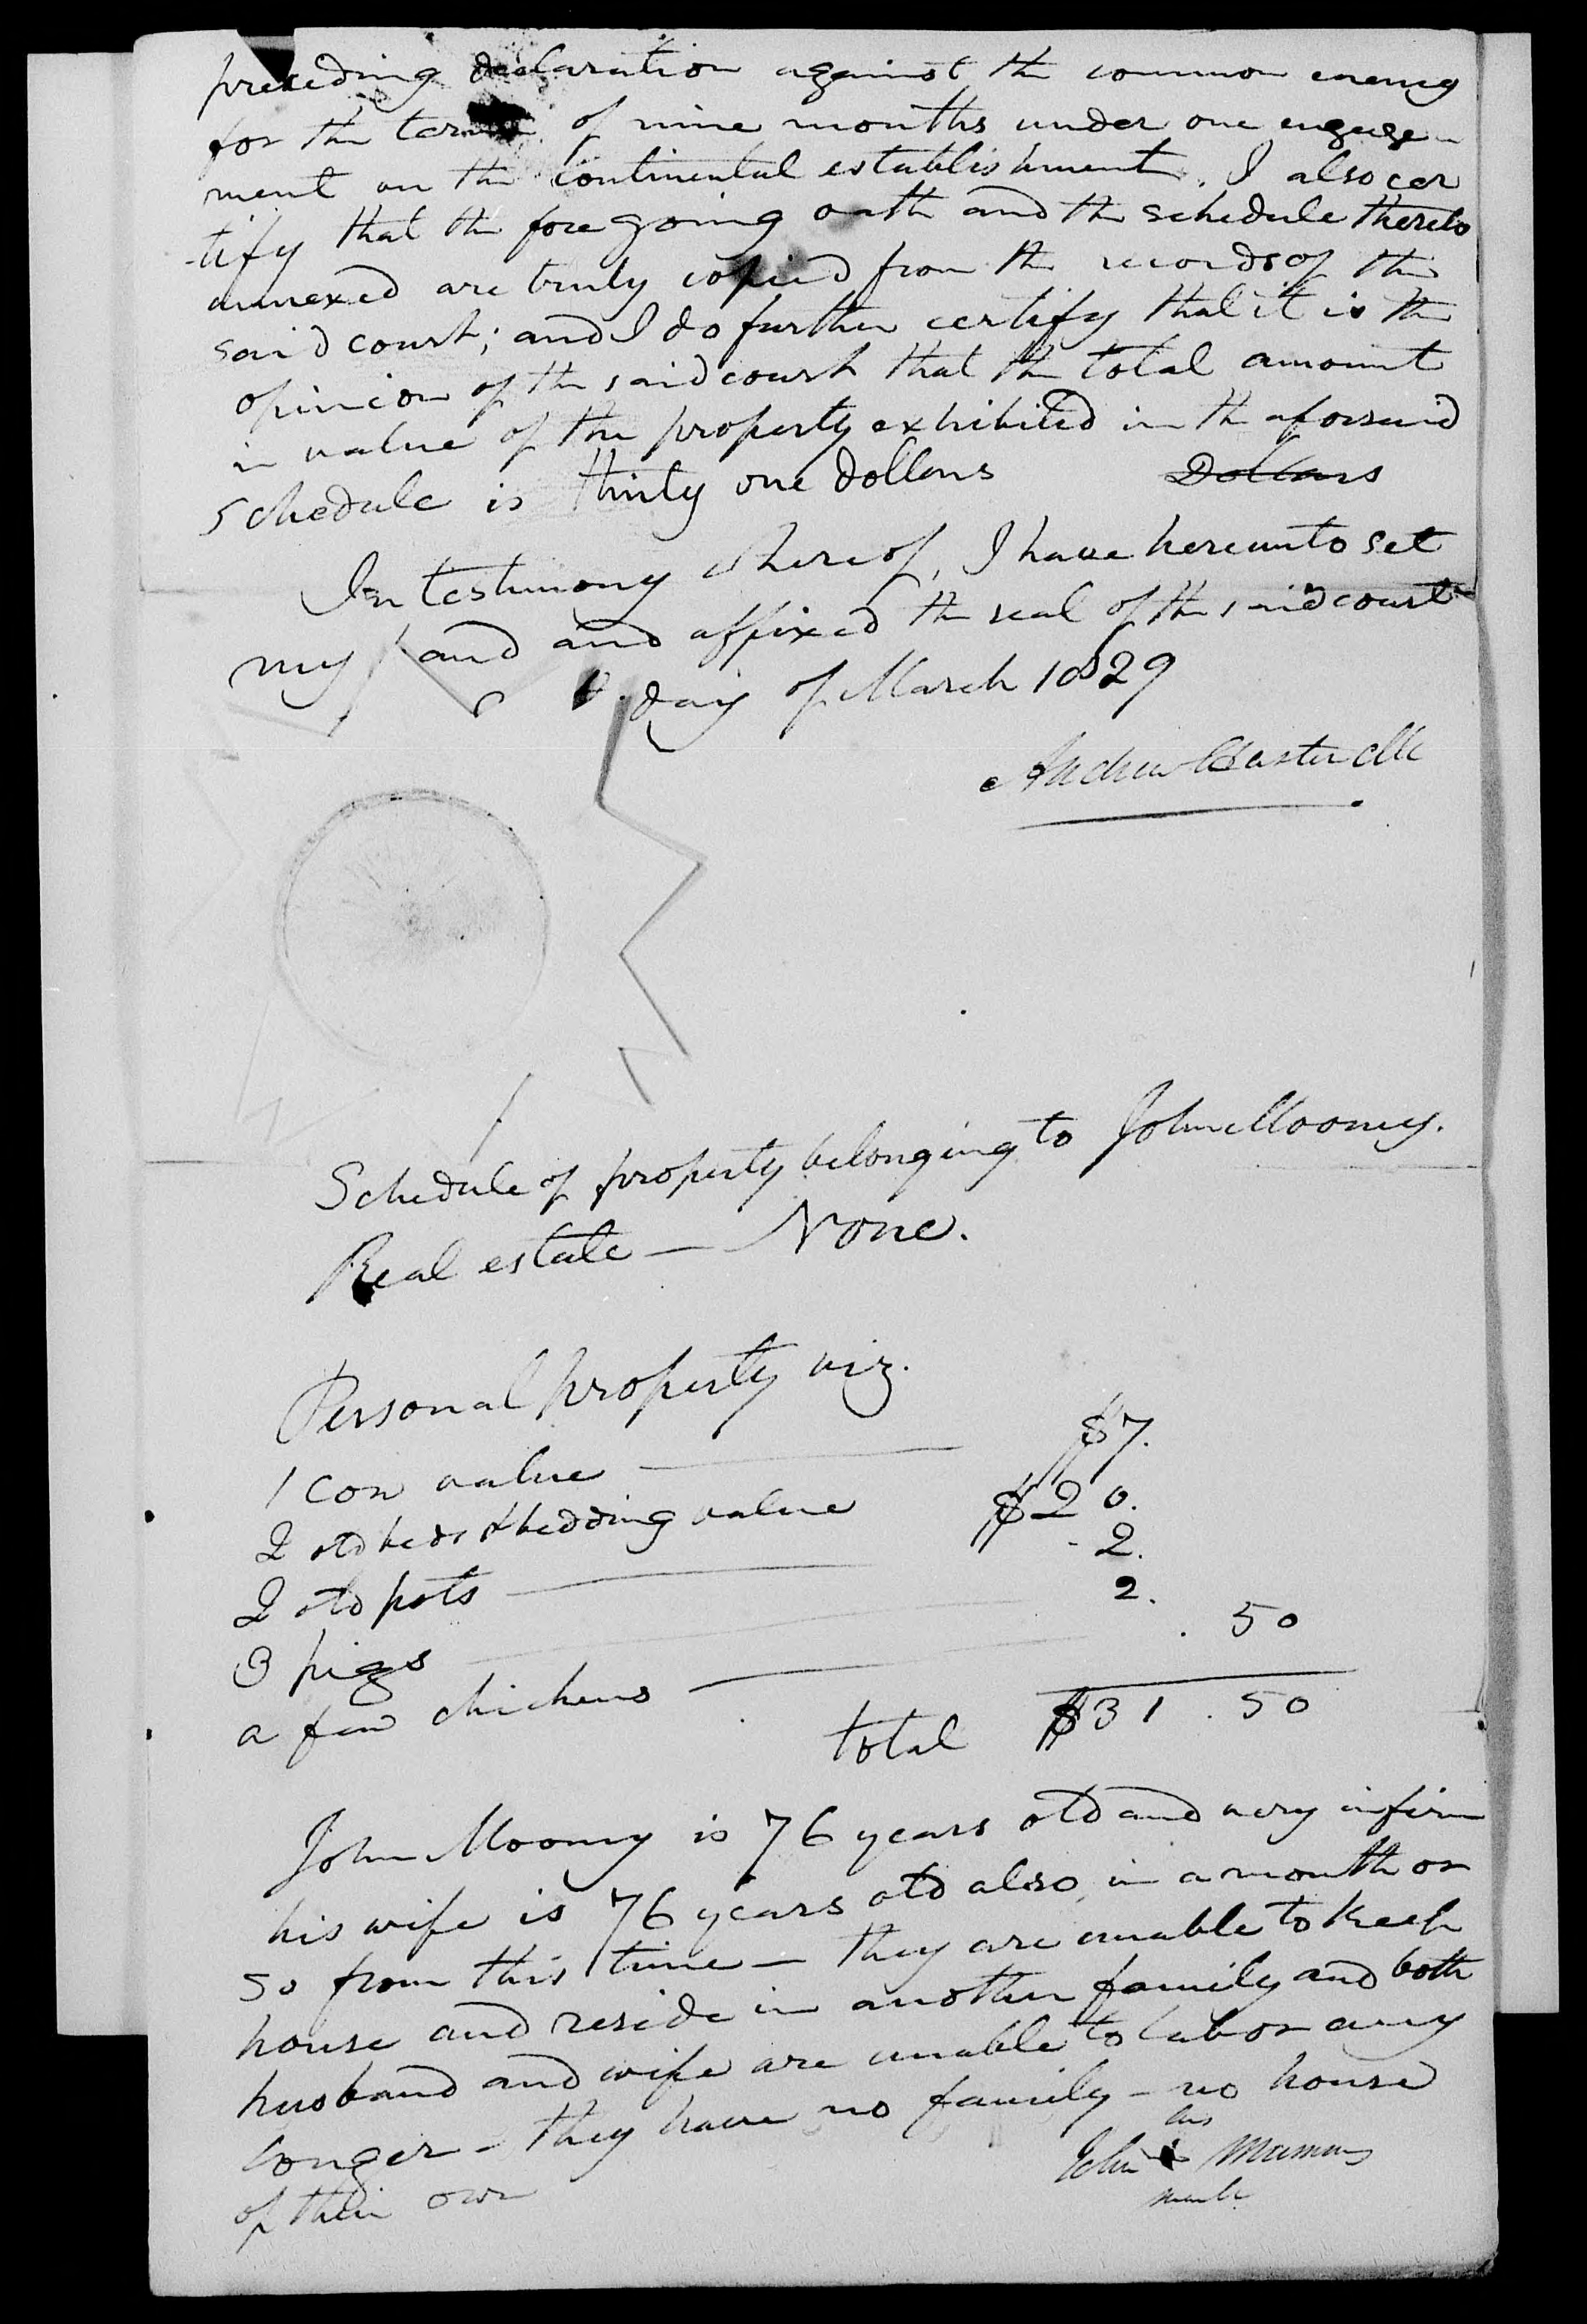preceding declaration against the common enemy for the term of nine months under one engagement on the Continental establishment. I also certify that the foregoing oath and the schedule thereto annexed are truly copies from the record of this said court, and I do further certify that it is the opinion of the said court that the total amount in value of the property exhibited in the aforesaid schedule is thirty-one dollars.
In testimony thereof, I have hereunto set my hand and affixed the seal of this in court [covered by seal] day of March 1829
Andrew [not legible]

Schedule of property belonging to John Mooney
Real Estate - None
Personal Property
1 Cow value $7
2 other bed & bedding value $2
2 Tea Pots value $2
3 Pigs value $2
a few chickens value .50
TOTAL $31.50
John Mooney is 76 years old and very infirmed his wife is 76 years old also, in a month or so from this time they are unable to keep house and reside in another family and both husband and wife are unable to labor any longer they have no family no house of their own
John Mummy [X his mark]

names: Andrew Haster; John Moomy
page: 9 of 9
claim: rejected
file: R. 16,627, for John Mummy, Maryland